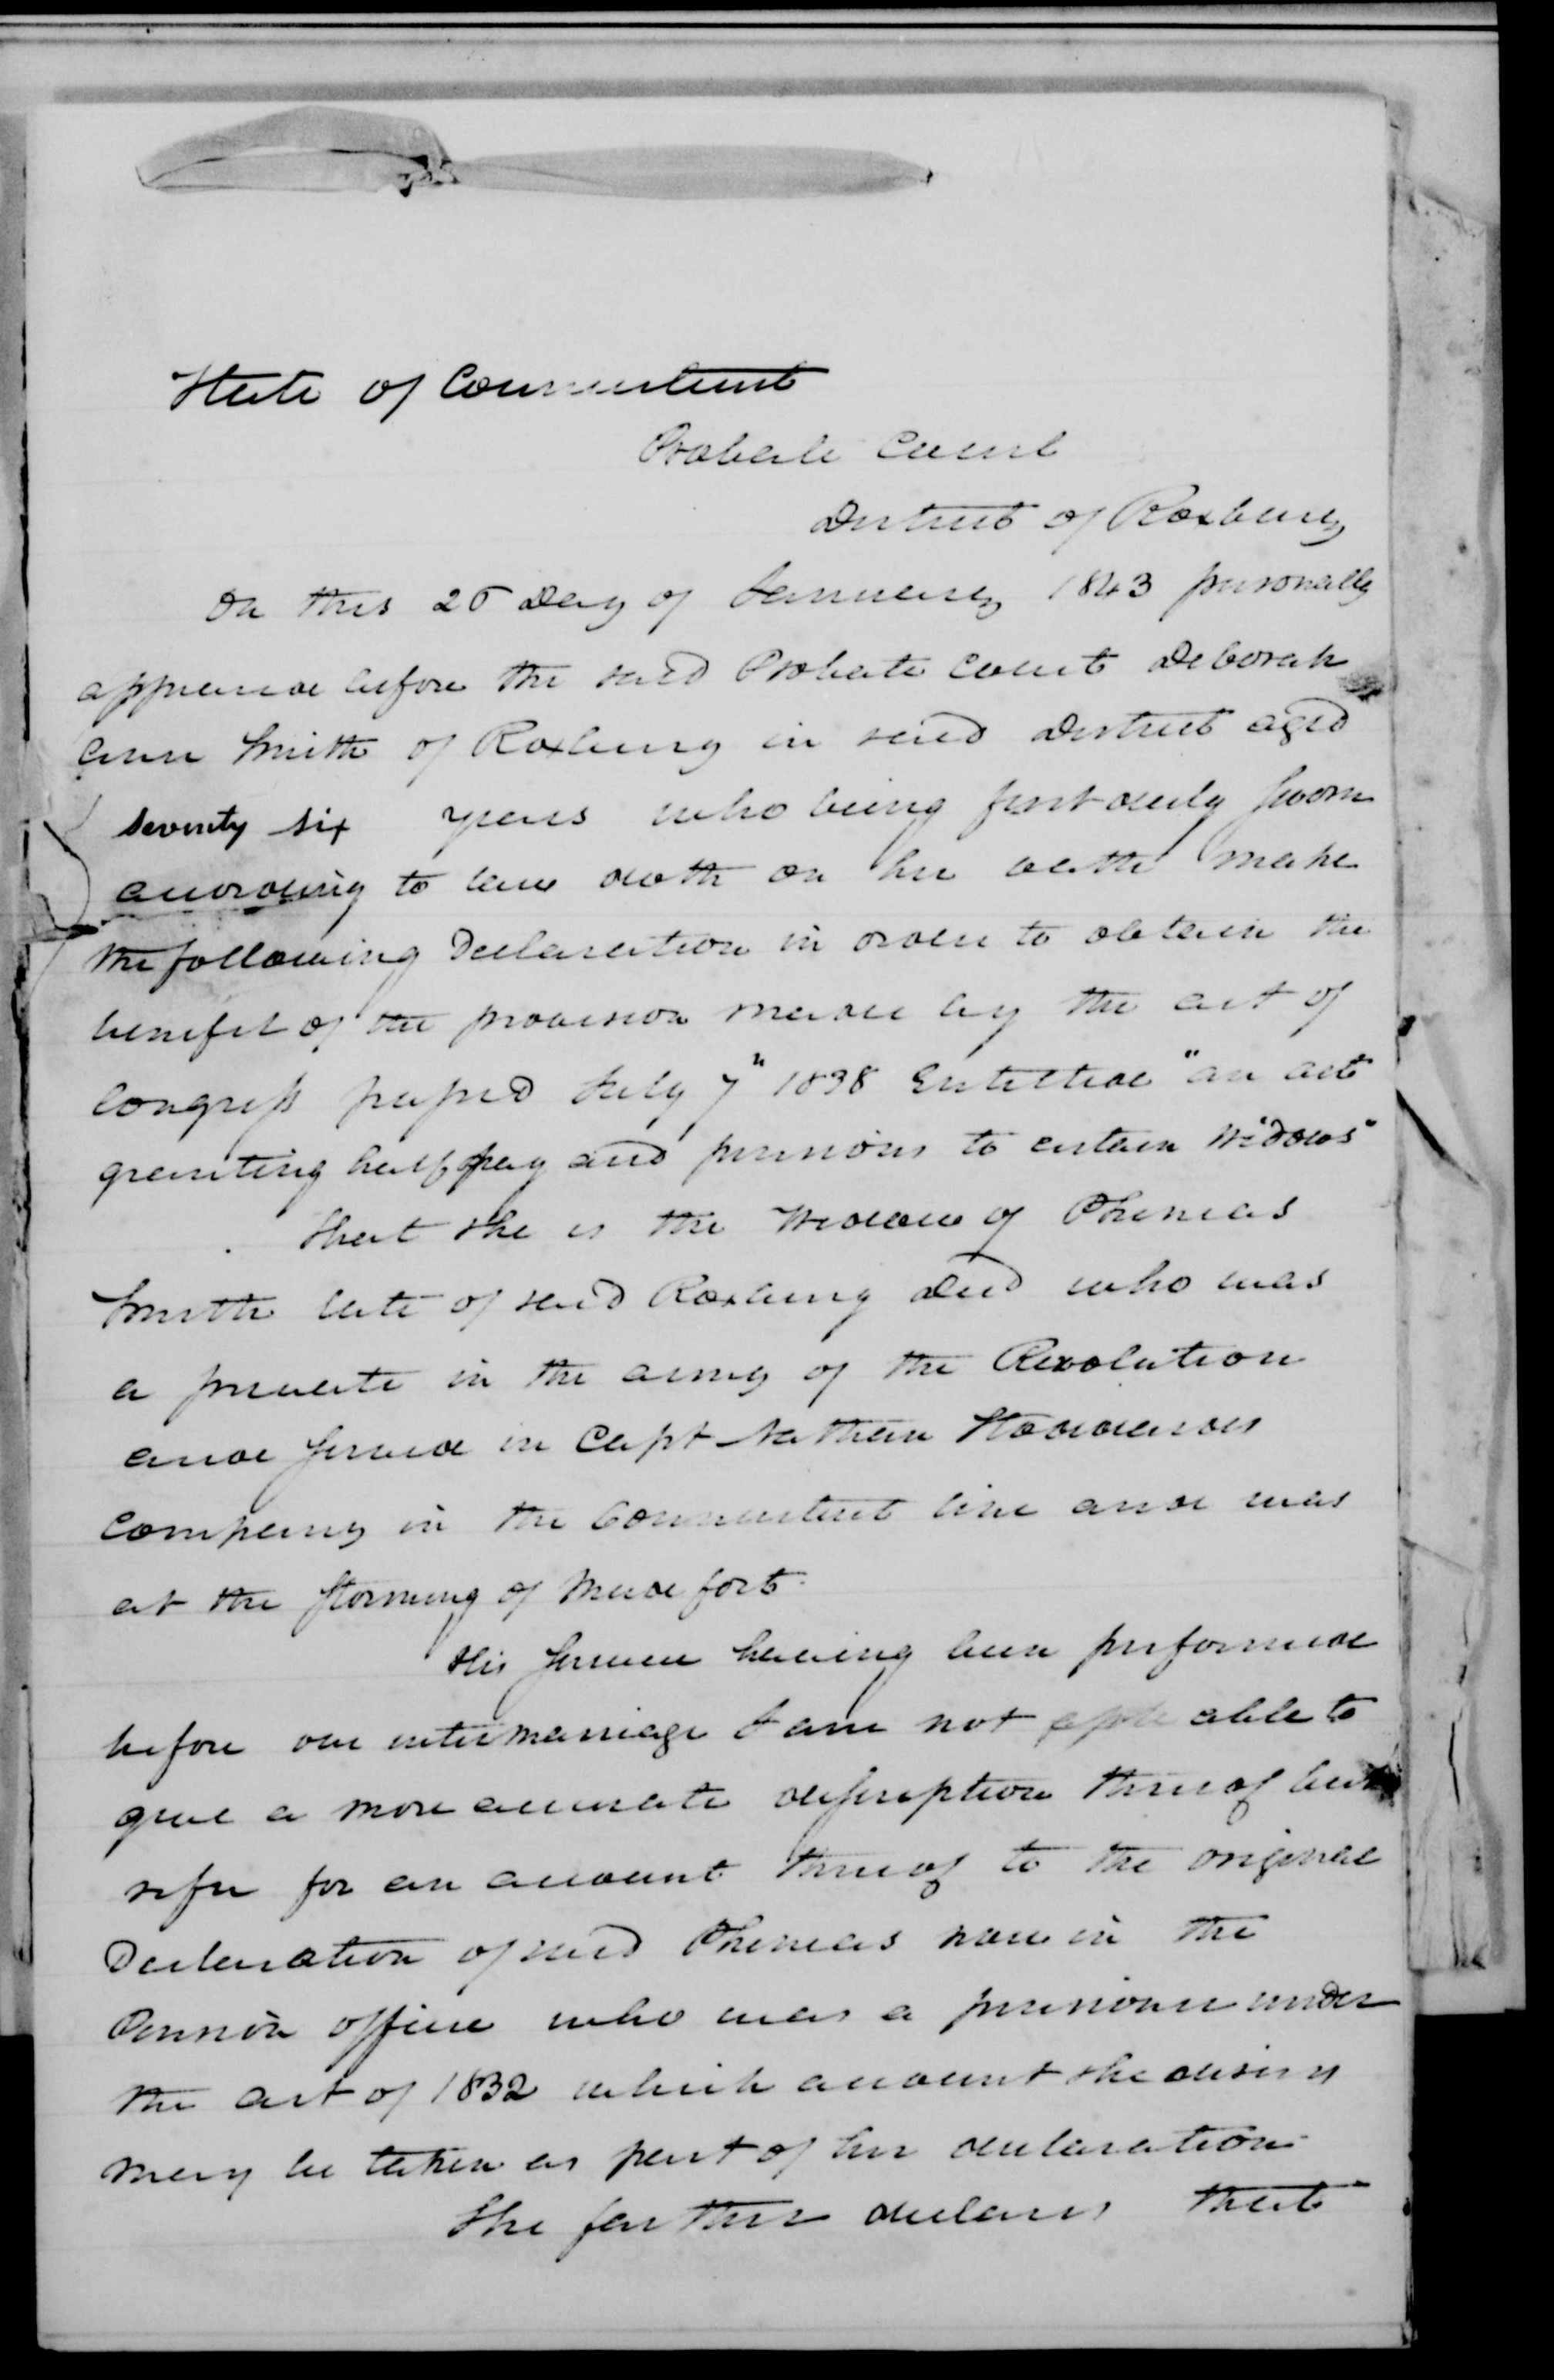State of Connecticut 
Probate Court 
District of Roxbury 
On this 20 day of January 1843 personally appeared before the said Probate Court Deborah Ann Smith of Roxbury in said District aged Seventy Six  years who being first duly sworn according to law doth on her oath make the following declaration in order to obtain the benefit of the provision made by the act of Congress passed July 7th 1838 Entitled "an act granting half pay and pensions to certain widows.”  
That she is the widow of Phineas Smith late of said Roxbury and who was a private in the army of the Revolution and served in Capt Nathan Stoddards company in the Connecticut line and was at the storming of Mud fort.   
His service having been performed before our intermarriage I am not able to give a more accurate description thereof but refer for an account thereof to the original declaration of said Phineas now in the Pension office who was a pensioned under the act of 1832 which account she desires may be taken as part of her declaration.   
The farther declares that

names: Phineas [BLANK]; Phineas Smith; Deborah Ann Smith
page: 9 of 55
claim: widow's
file: W. 11480, for Phinehas Smith, Connecticut